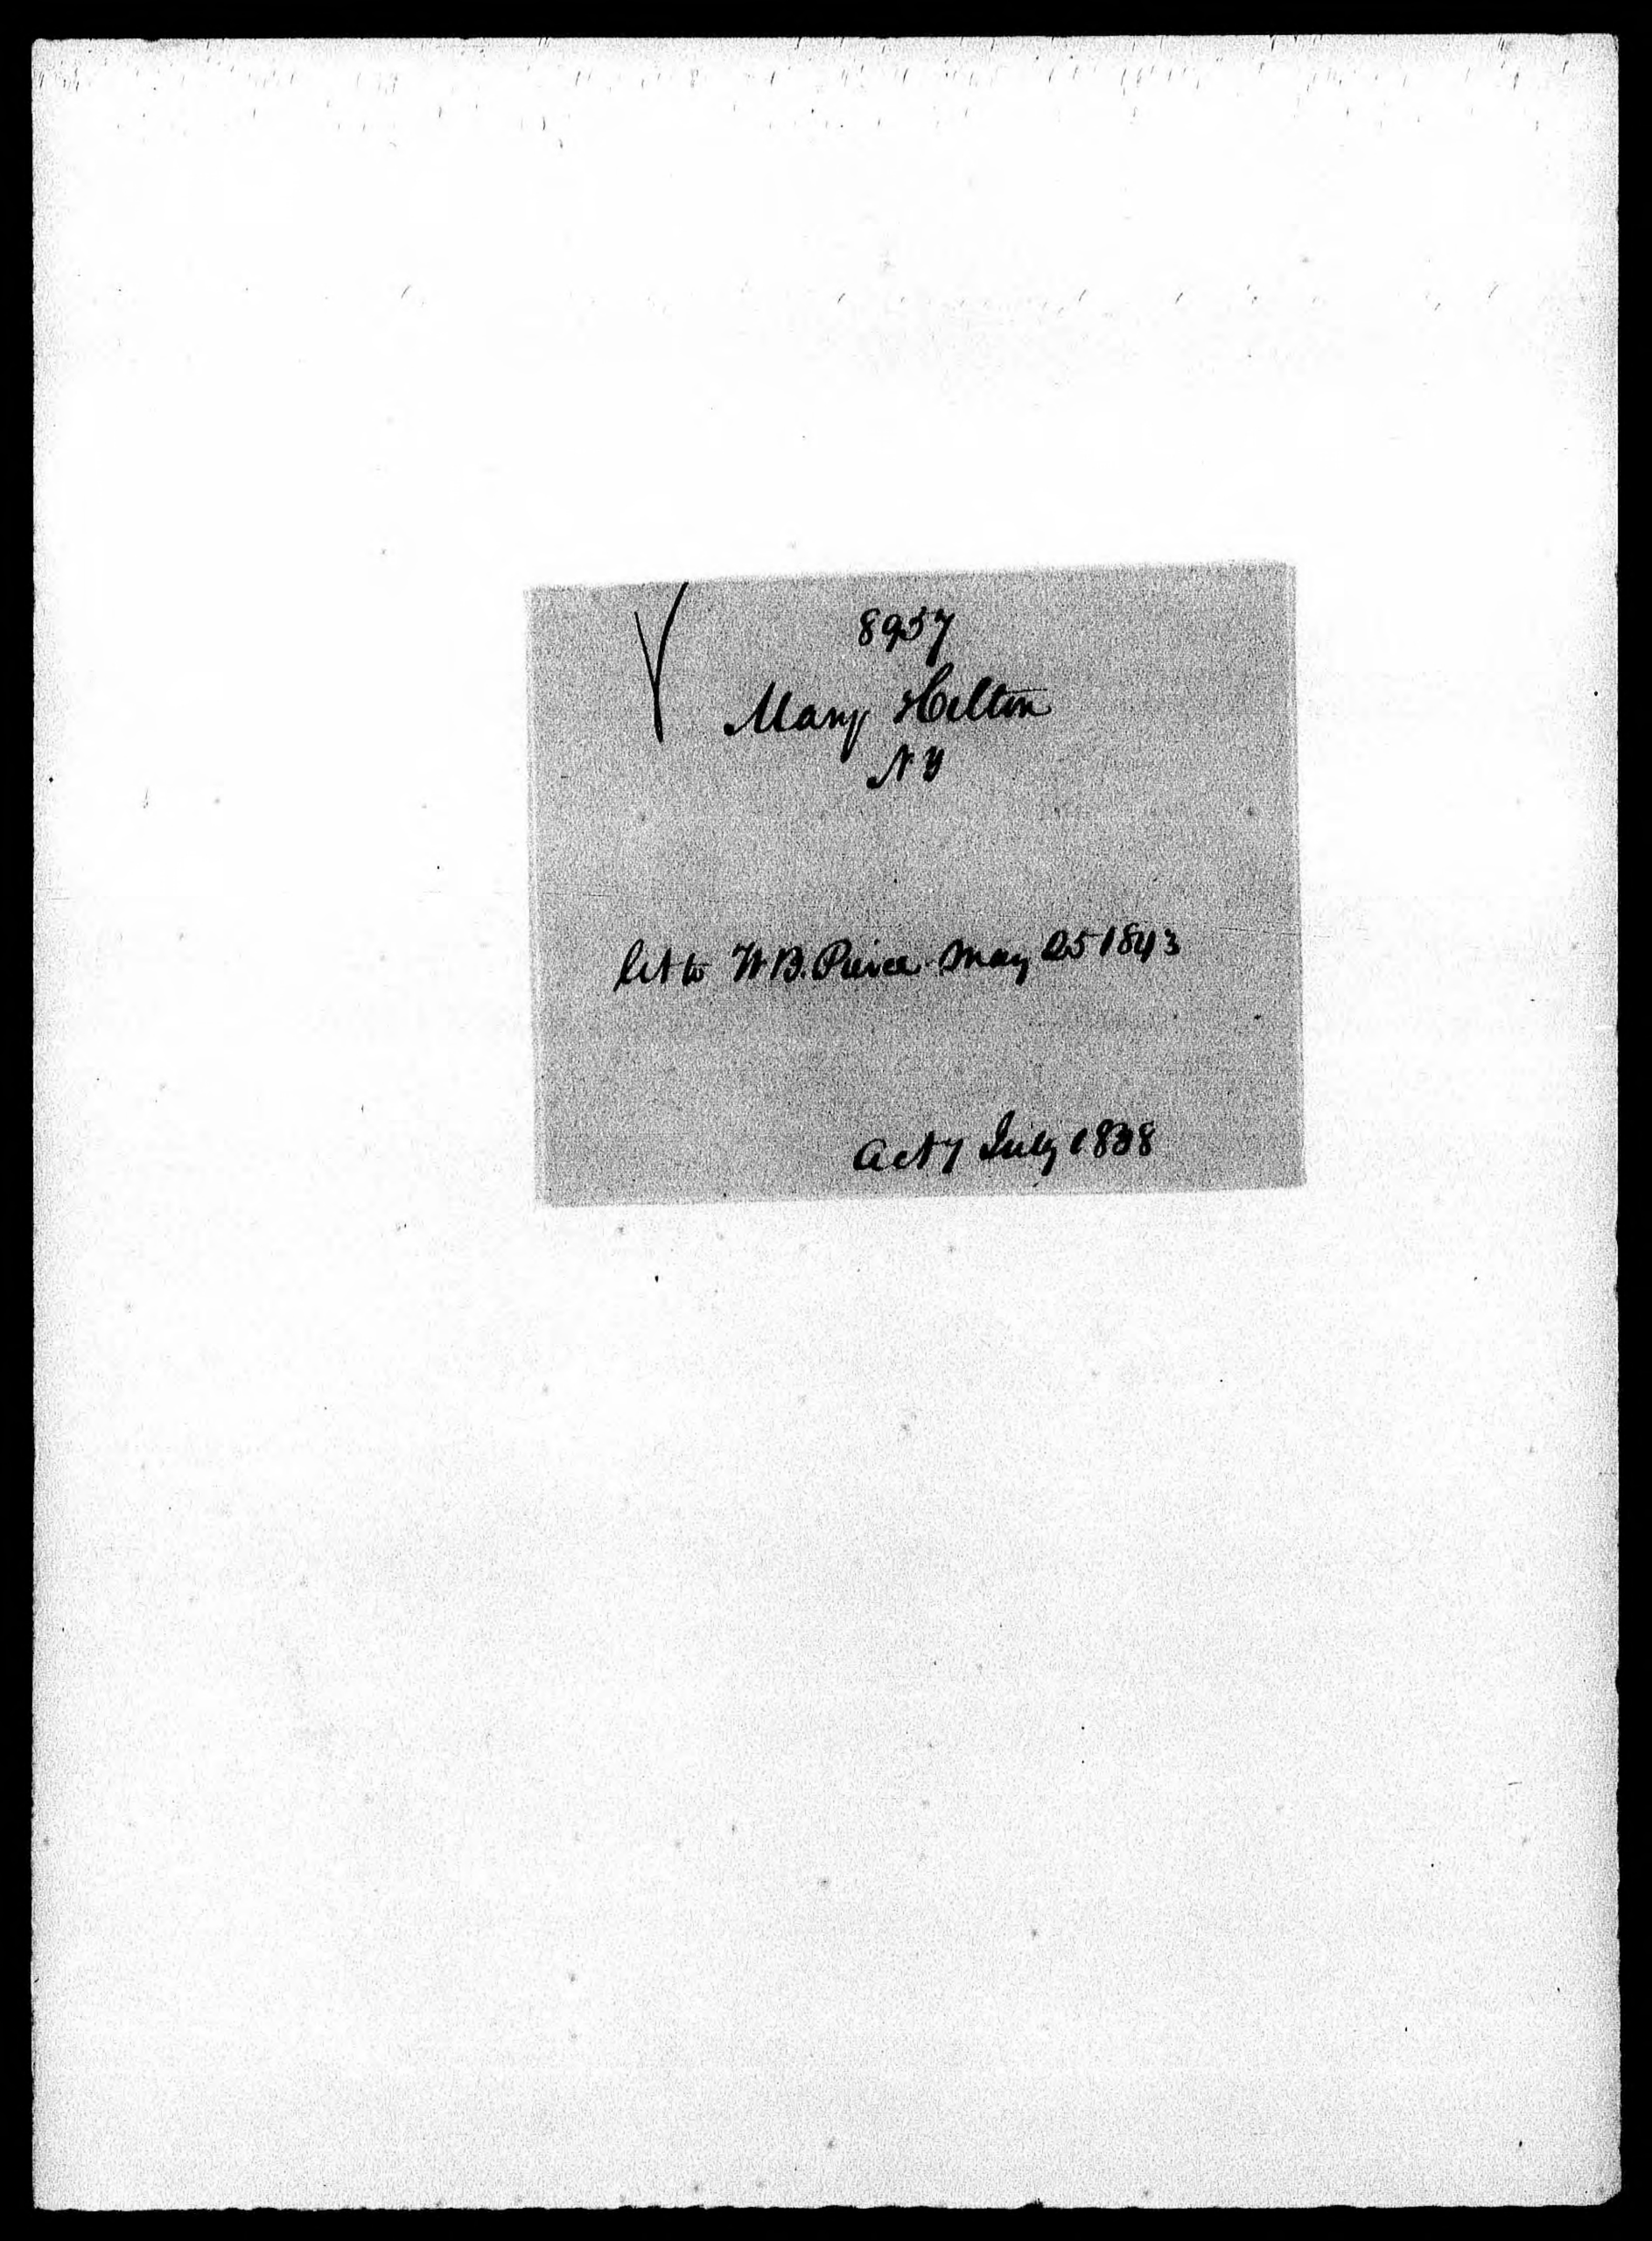8937
Mary Hilton
Ms

lit to M B Pierce May 251843

aety July 1838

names: W B Pierce, Mary Hilton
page: 34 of 48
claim: widow's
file: W. 19788, Jacob W Hilton, New York